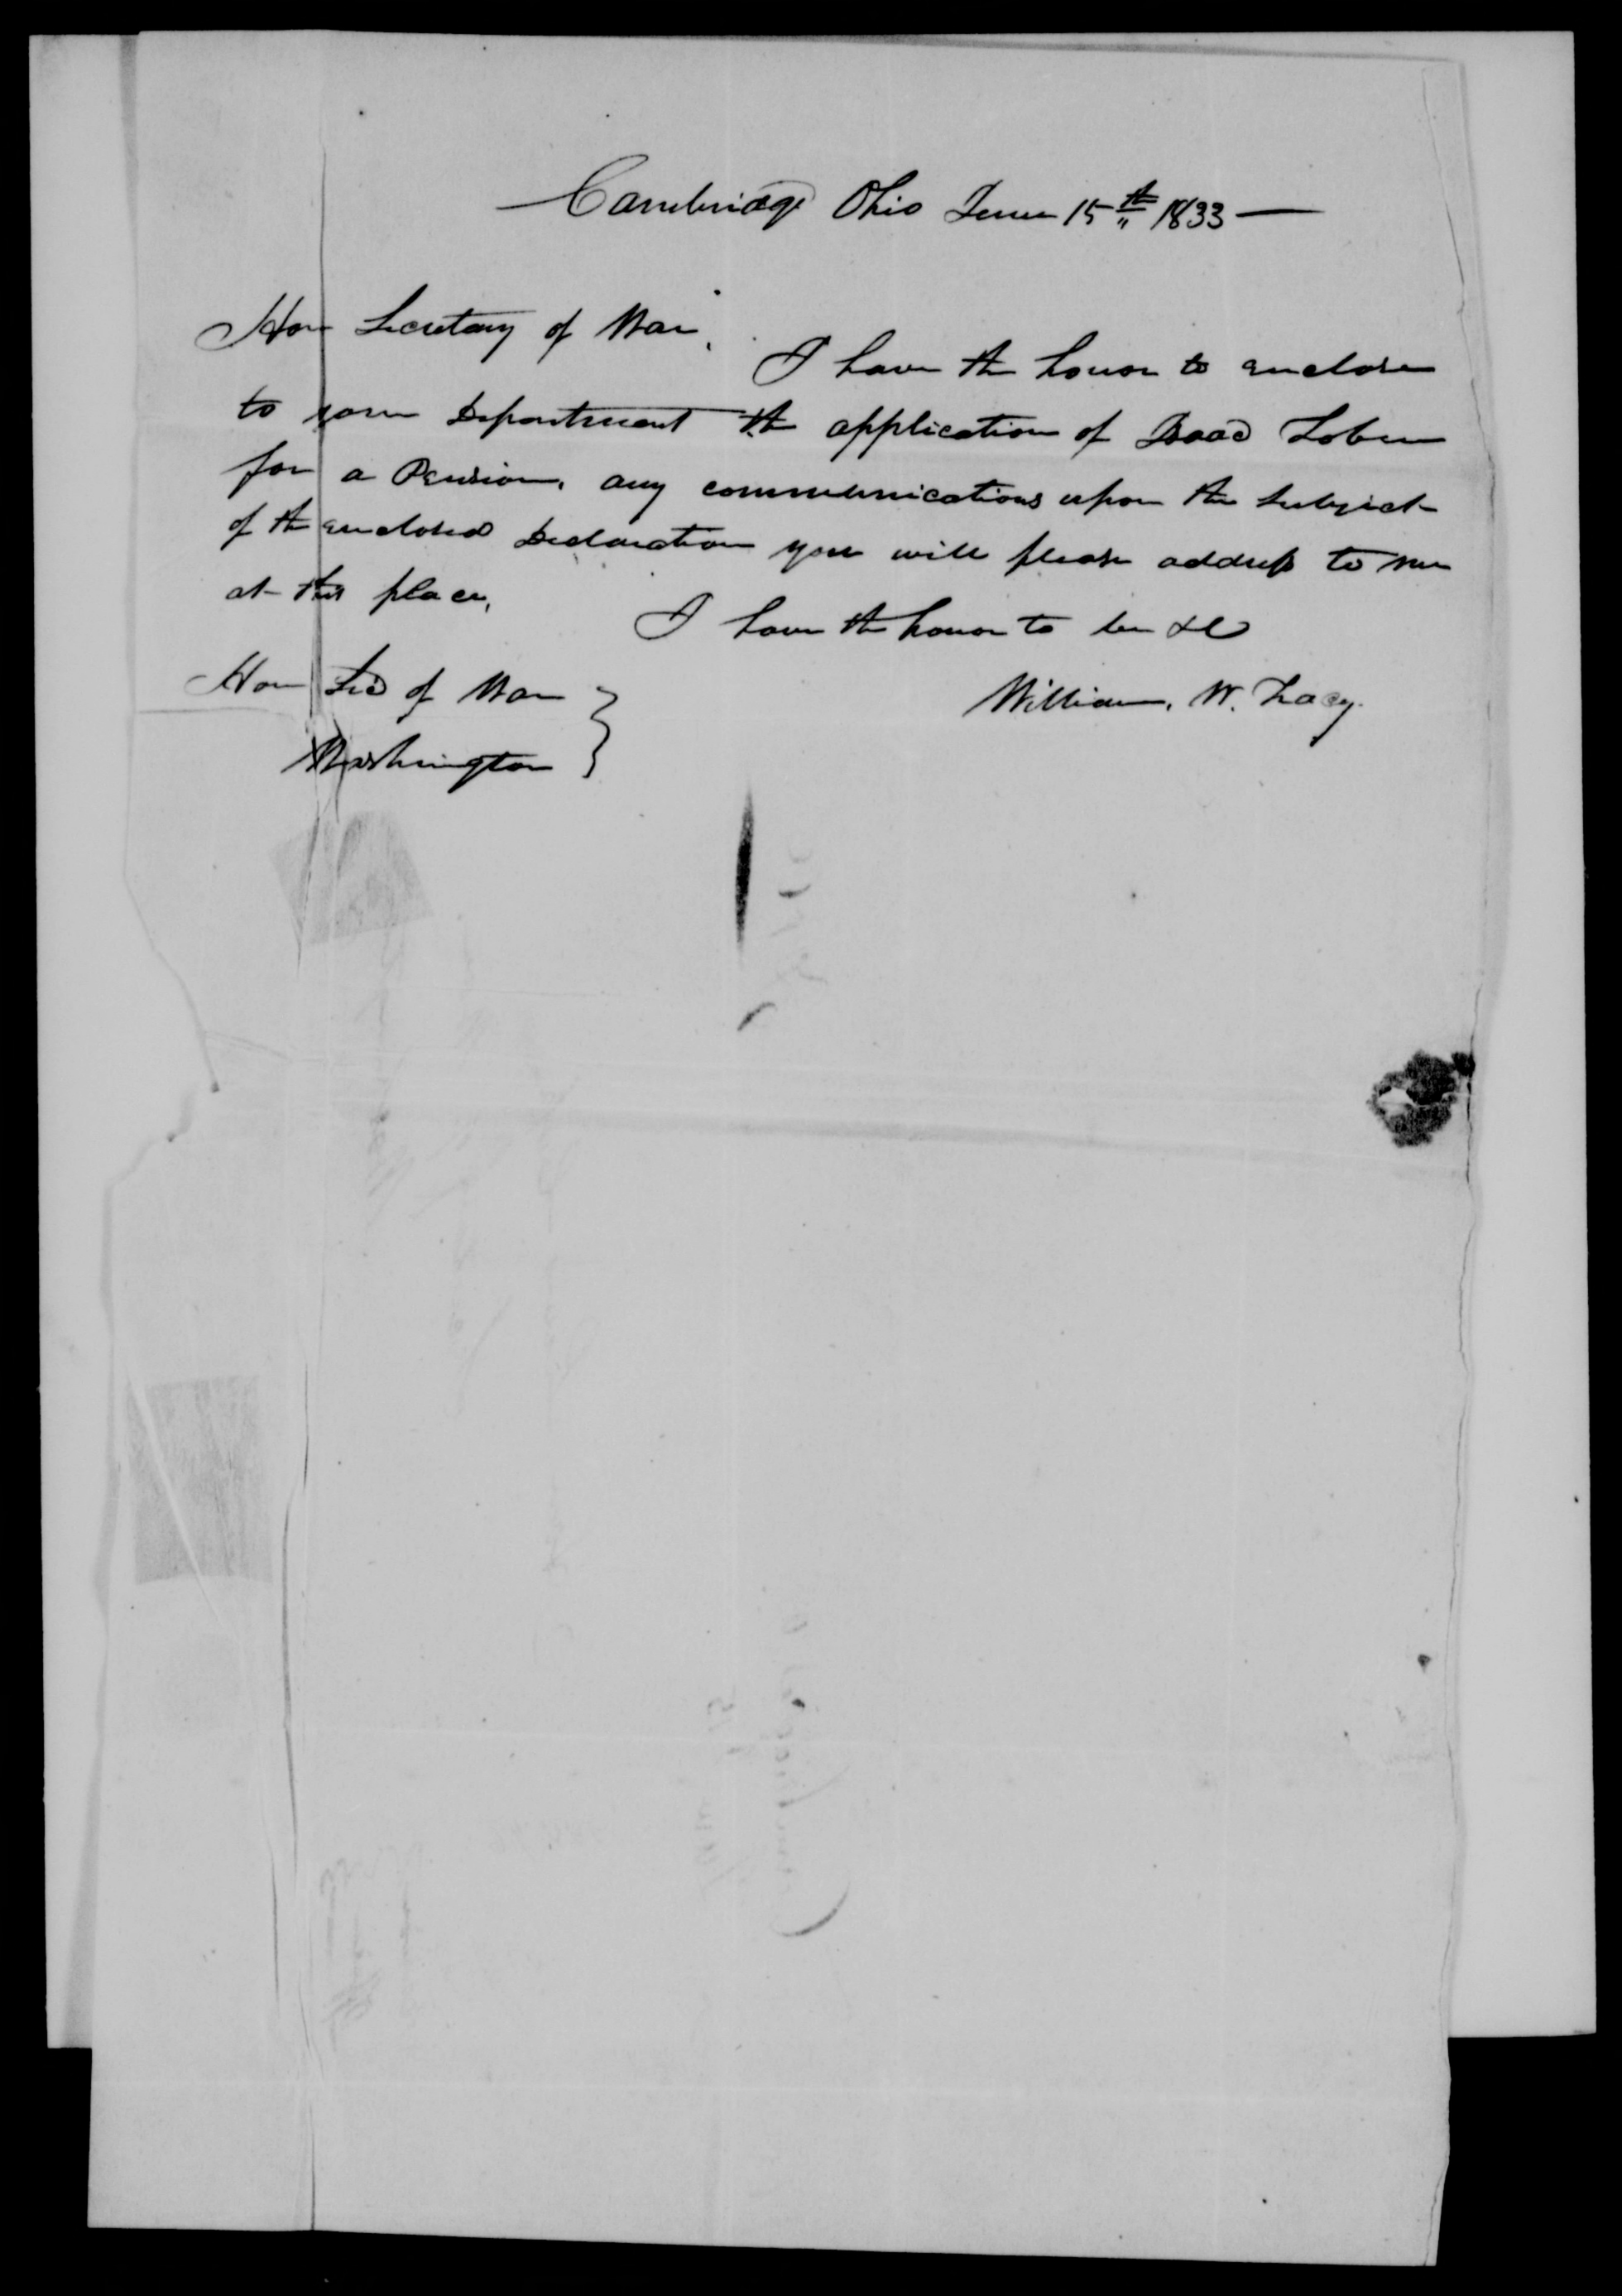Cambridge Ohio June 15th 1833
Hon. Secretary of War:

I have the honor to enclose to your department the application of Isaac Tobin for a Pension. Any communications upon this subject of the enclosed declaration you will please address to me at this place

I have the honor to be [unclear]
William W. Lacy

Hon Sec of War
Washington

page: 25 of 25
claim: survivor's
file: S. 6258, for Isaac Tobin, New Jersey